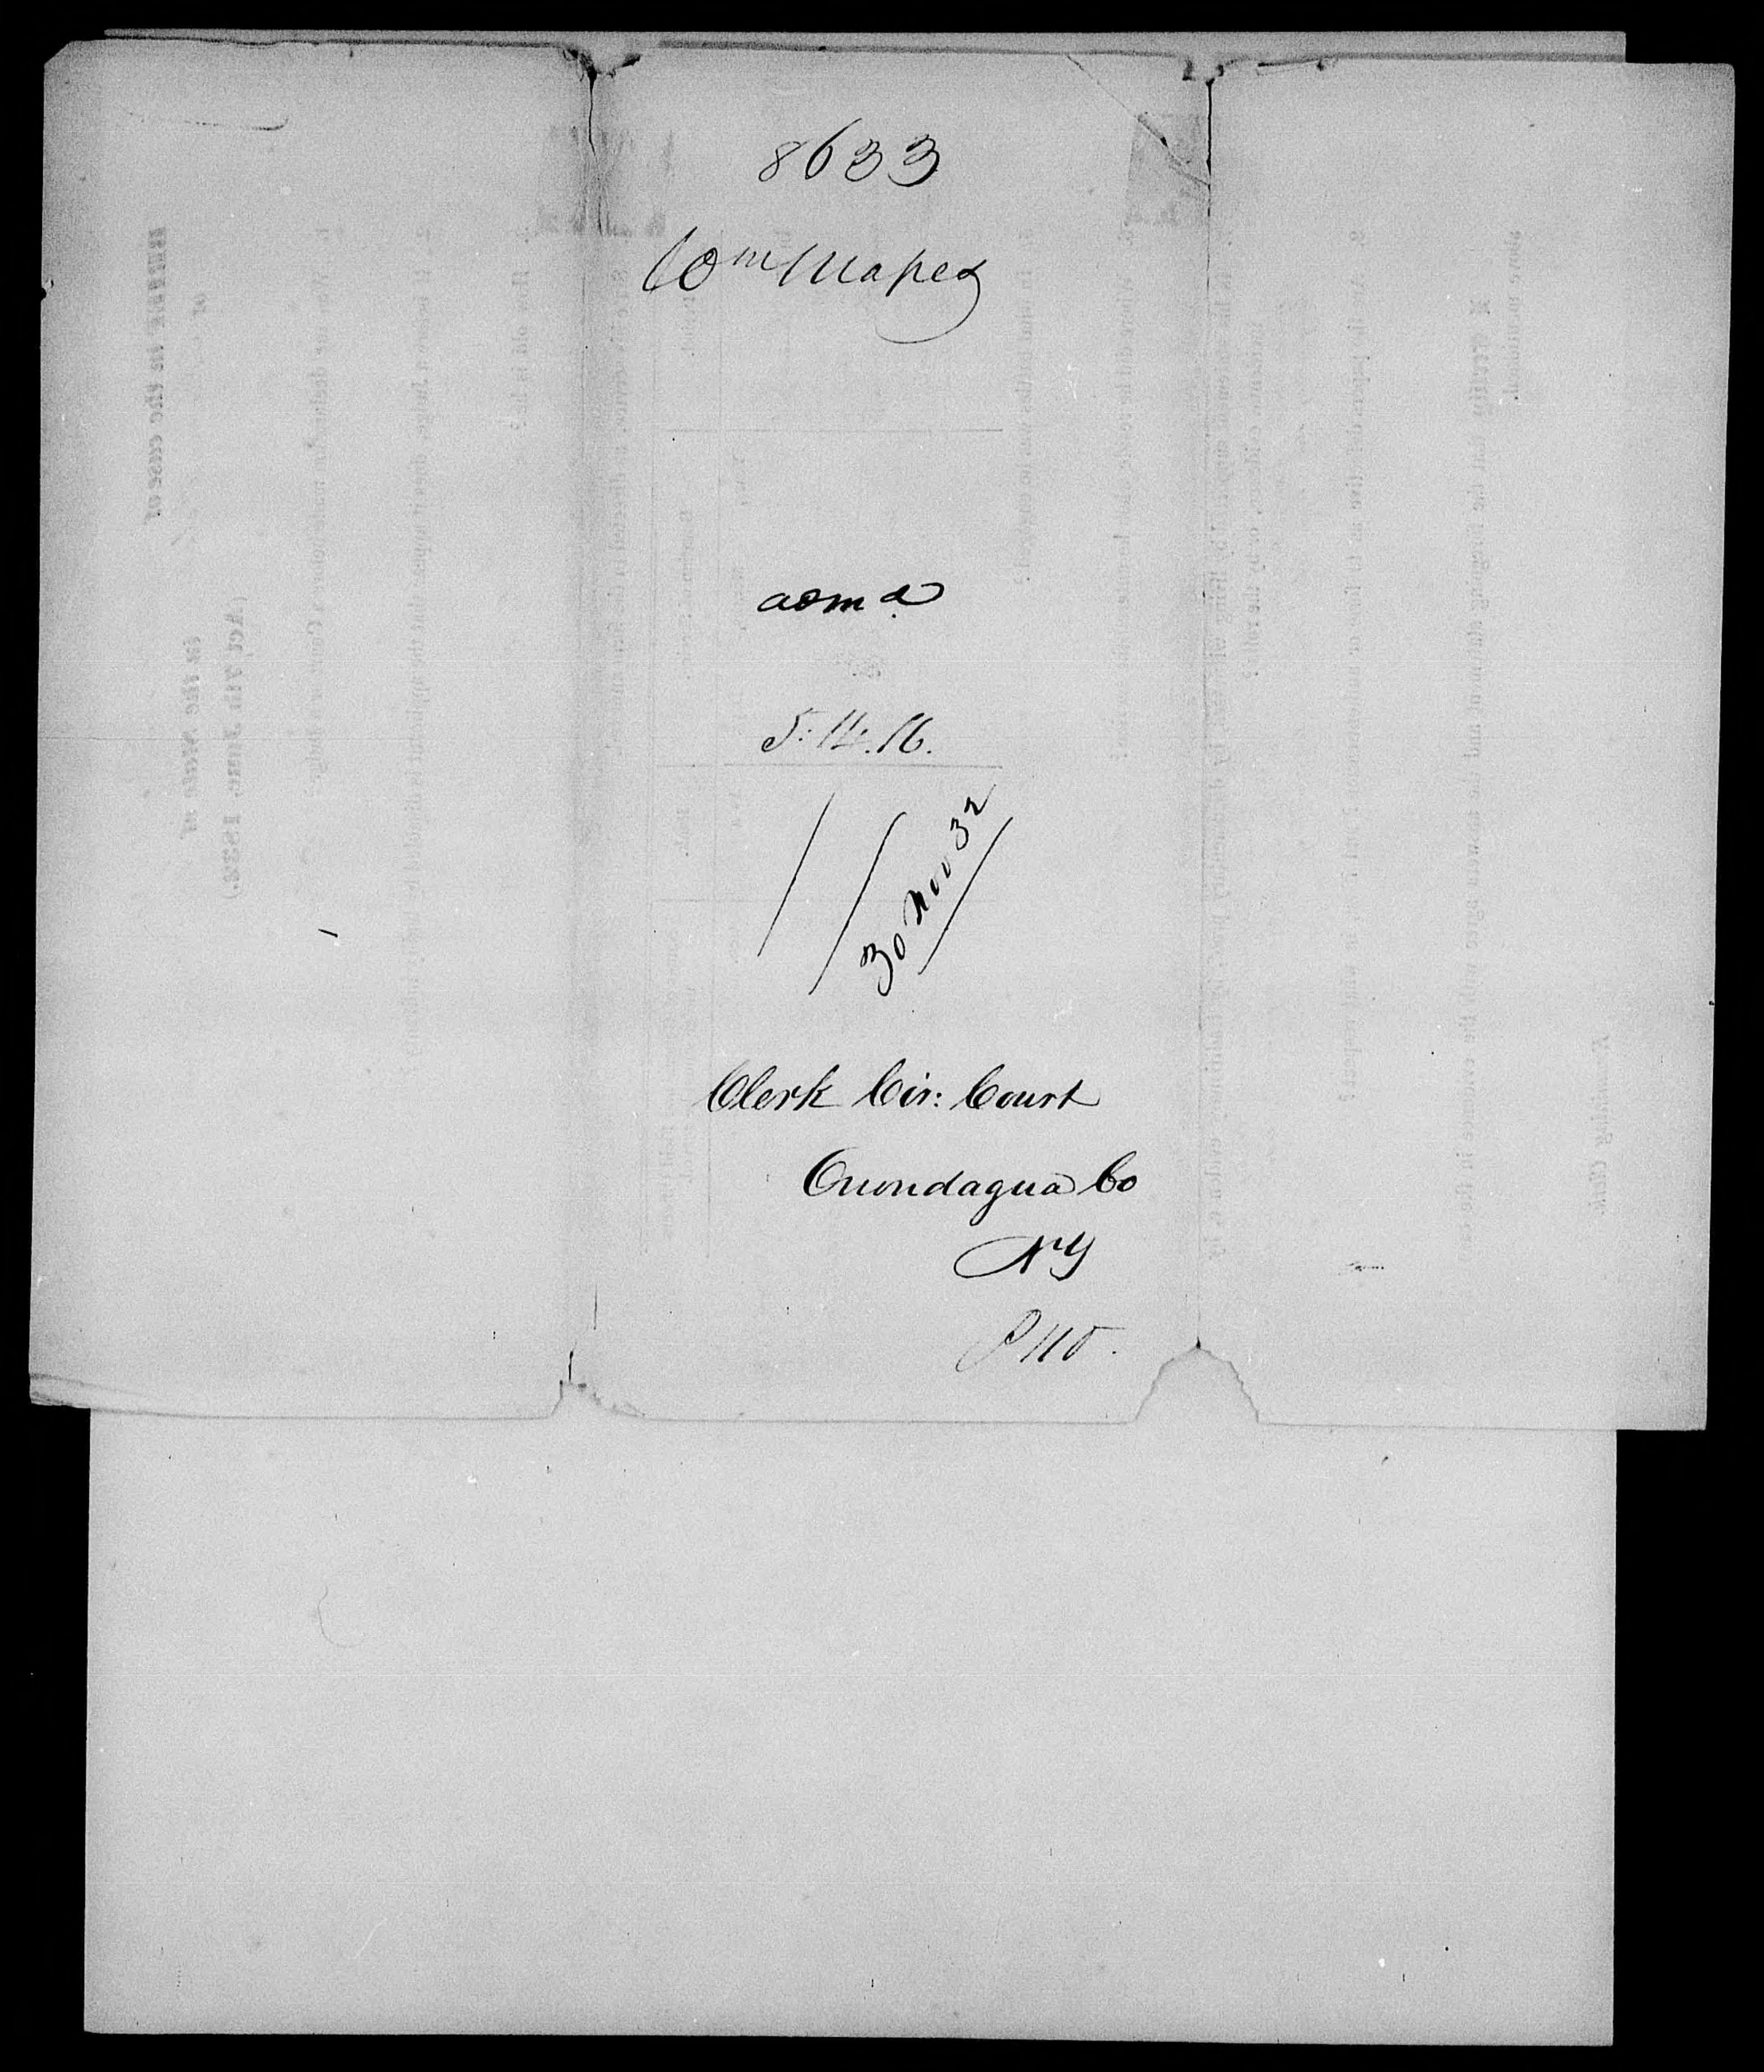8633 

WmMapes 

adm
 
5:11:16. 

30 Nov 32

Clerk Cir Court 
Onondaga Co 
NY 

P110.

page: 3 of 30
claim: survivor's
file: S. 13,873, for William Mapes, New York